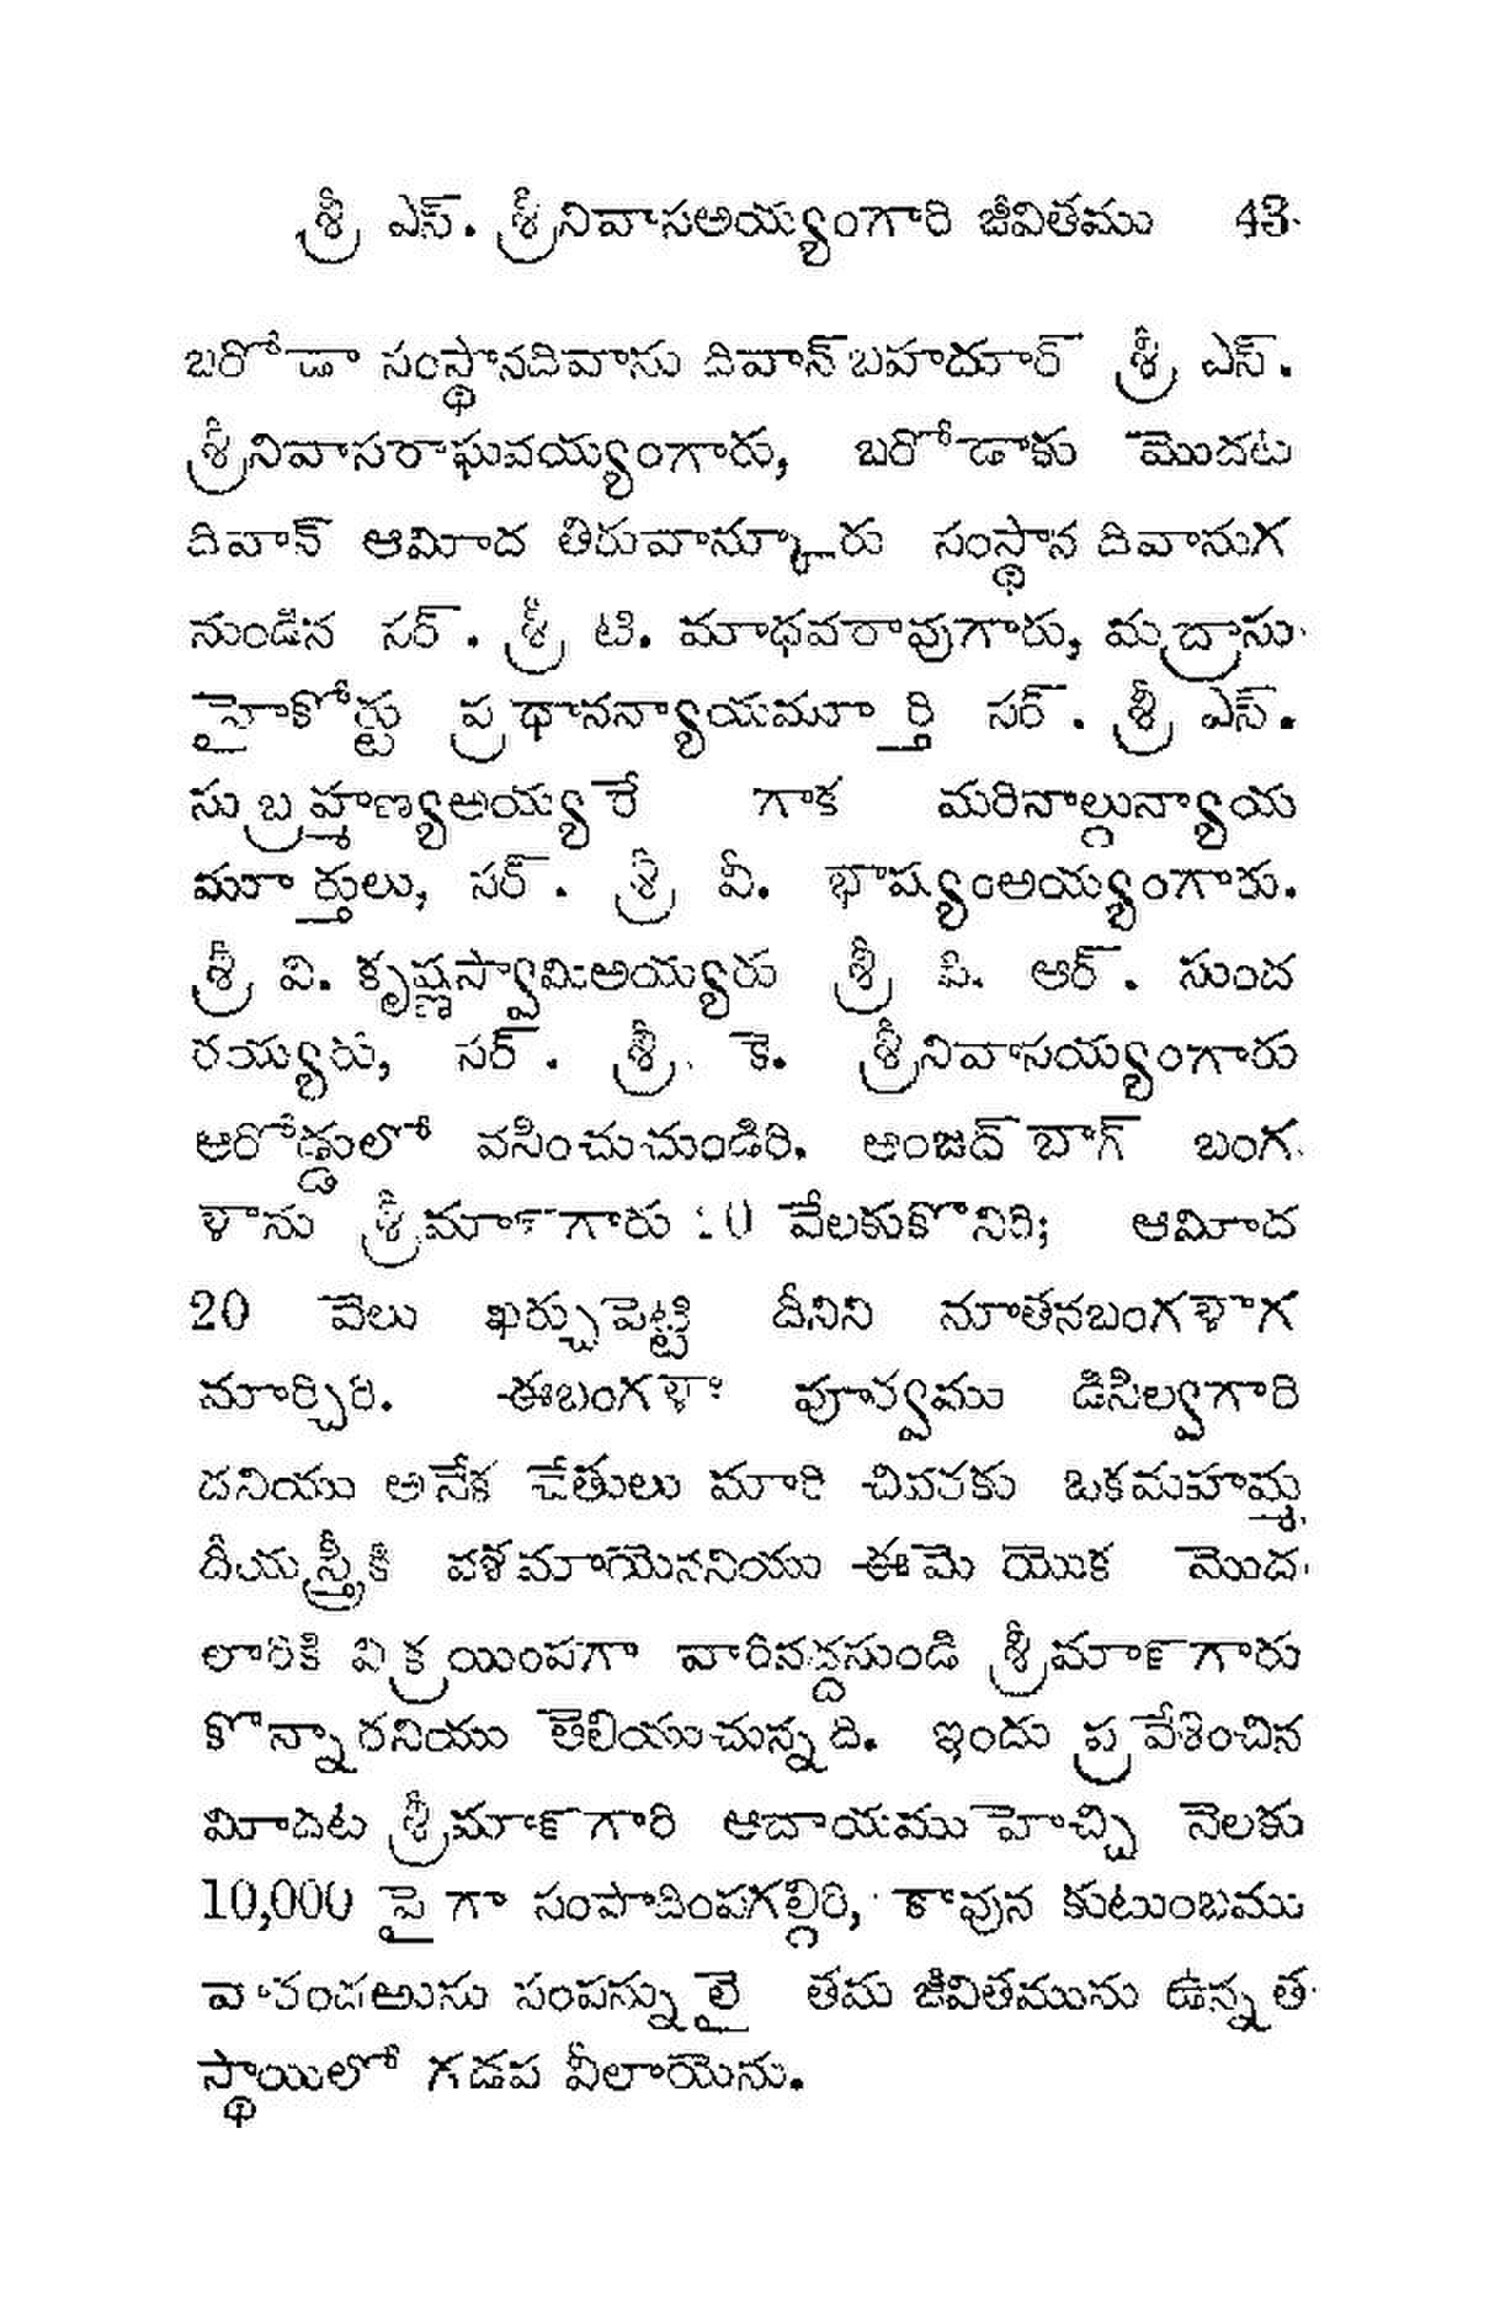బరోడా సంస్థానదివాను దివాన్‌బహదూర్ శ్రీ ఎస్. శ్రీనివాసరాఘవయ్యంగారు, బరోడాకు మొదట దివాన్ ఆమీద తిరువాన్కూరు సంస్థాన దివానుగ నుండిన సర్. శ్రీ టి. మాధవరావుగారు, మద్రాసు హైకోర్టు ప్రధానన్యాయమూర్తి సర్ . శ్రీ ఎస్. సుబ్రహణ్యఅయ్యరే గాక మరి నాల్గున్యాయమూర్తులు, సర్. శ్రీ వీ. భాష్యంఅయ్యంగారు. శ్రీ వి. కృష్ణస్వామిఅయ్యరు శ్రీ పి. ఆర్ . సుందరయ్యరు, సర్. శ్రీ కె. శ్రీనివాసయ్యంగారు ఆరోడ్డులో వసించుచుండిరి. అంజద్‌బాగ్ బంగళాసు శ్రీమా౯గారు 20 వేలకుకొనిరి; ఆమీద 20 వేలు ఖర్చుపెట్టి దీనిని నూతనబంగళాగ మార్చిరి. ఈ బంగళా పూర్వము డిసిల్వగారి దనియు అనేక చేతులు మారి చివరకు ఒకమహమ్మదీయస్త్రీకి వశమాయెననియు ఈమె యొక మొదలారికి విక్రయింపగా వారివద్దనుండి శ్రీమా౯గారు కొన్నారనియు తెలియుచున్నది. ఇందు ప్రవేశించిన మీదట శ్రీమా౯గారి ఆదాయము హెచ్చి నెలకు 10,000 పైగా సంపాదింపగల్గిరి, కావున కుటుంబము వారందఱుసు సంపన్నులై తమ జీవితమును ఉన్నతస్థాయిలో గడప వీలాయెను.